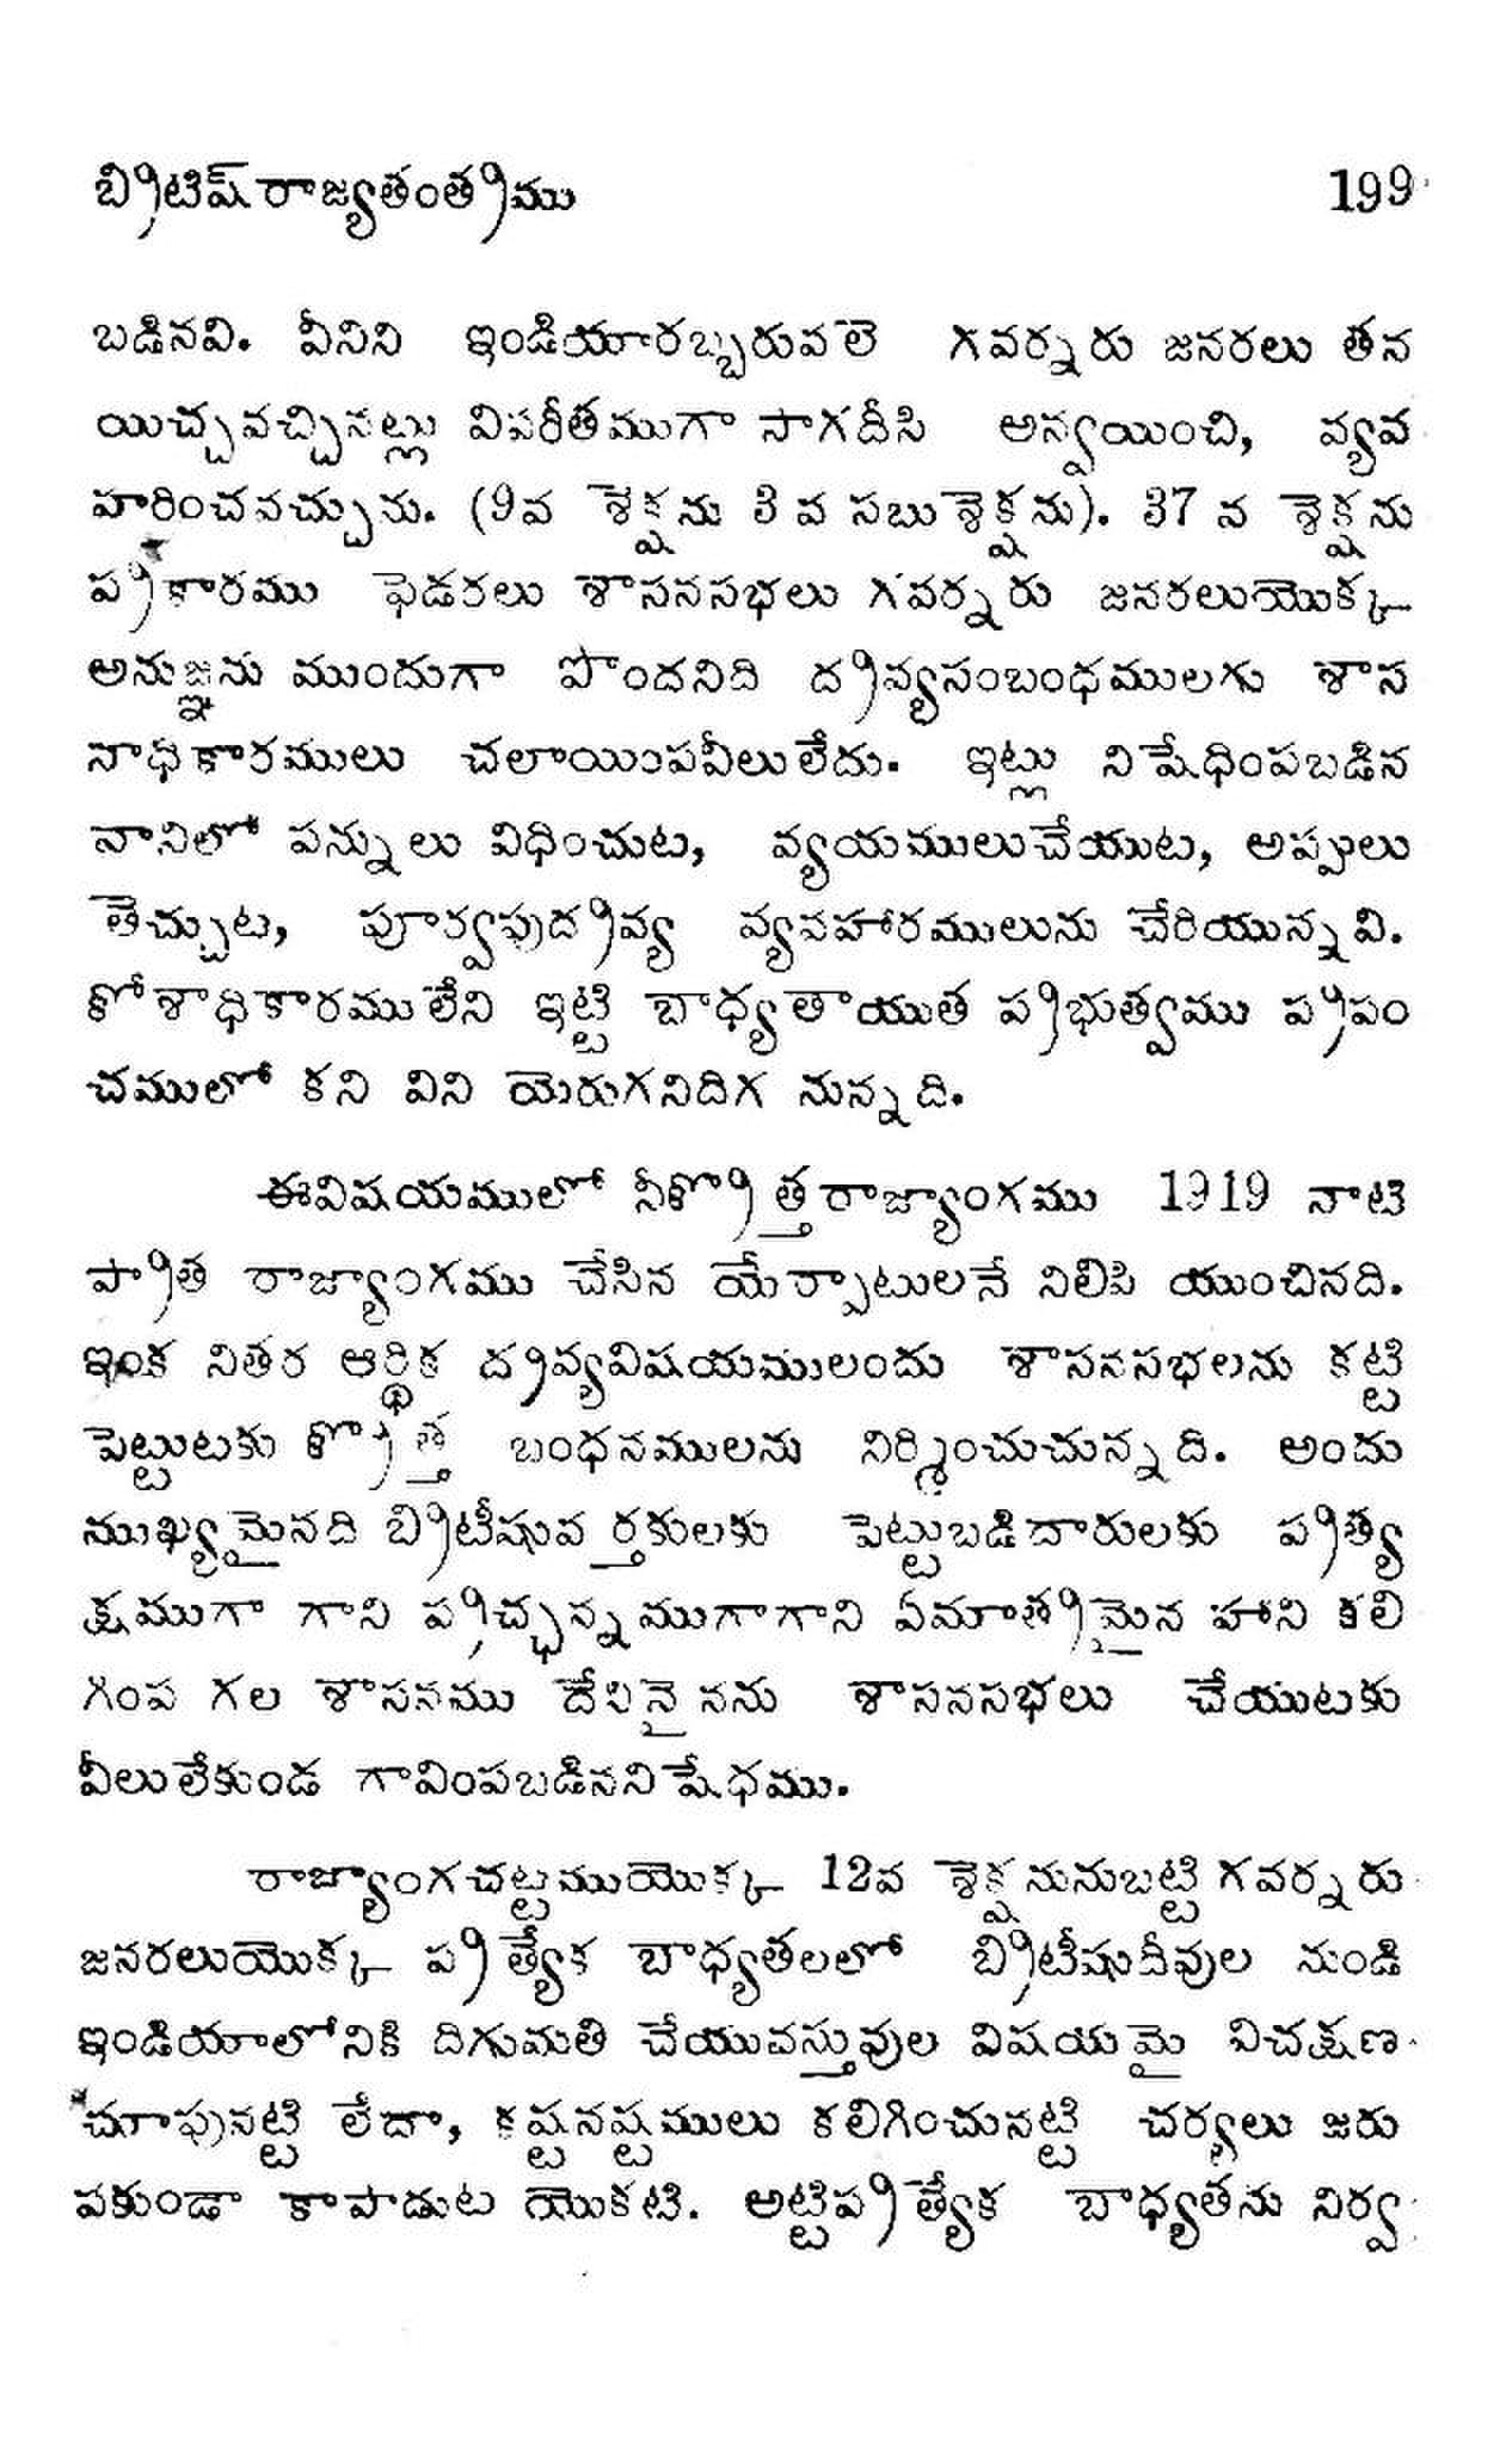బడినవి. వీనిని ఇండియారబ్బరువలె గవర్నరు జనరలు తన యిచ్చవచ్చినట్లు విపరీతముగా సాగదీసి అన్వయించి, వ్యవహరించవచ్చును. (9వ శెక్షను 3 వ సబు శెక్షను). 37 వ శెక్షను ప్రకారము ఫెడరలు శాసనసభలు గవర్నరు జనరలుయొక్క అనుజ్ఞను ముందుగా పొందనిది ద్రవ్యసంబంధములగు శాసనాధికారములు చలాయింపవీలులేదు. ఇట్లు నిషేధింపబడిన వానిలో పన్నులు విధించుట, వ్యయములు చేయుట, అప్పులు తెచ్చుట, పూర్వపుద్రవ్య వ్యవహారములును చేరియున్నవి. కోశాధికారములేని ఇట్టి బాధ్యతాయుత ప్రభుత్వము ప్రపంచములో కని విని యెరుగనిదిగ నున్నది.

ఈవిషయములో నీక్రొత్తరాజ్యాంగము 1919 నాటి ప్రాత రాజ్యాంగము చేసిన యేర్పాటులనే నిలిపి యుంచినది. ఇంక నితర ఆర్థిక ద్రవ్యవిషయములందు శాసనసభలను కట్టిపెట్టుటకు క్రొత్త బంధనములను నిర్మించుచున్నది. అందు ముఖ్యమైనది బ్రిటీషువర్తకులకు పెట్టుబడిదారులకు ప్రత్యక్షముగా గాని ప్రచ్చన్నముగాగాని ఏమాత్రమైన హాని కలిగింప గల శాసనము దేనినైనను శాసనసభలు చేయుటకు వీలులేకుండ గావింపబడిననిషేధము.

రాజ్యాంగచట్టముయొక్క 12వ శెక్షనునుబట్టి గవర్నరు జనరలుయొక్క ప్రత్యేక బాధ్యతలలో బ్రిటీషుదీవుల నుండి ఇండియాలోనికి దిగుమతి చేయువస్తువుల విషయమై విచక్షణ చూపునట్టి లేదా, కష్టనష్టములు కలిగించునట్టి చర్యలు జరుపకుండా కాపాడుట యొకటి. అట్టిప్రత్యేక బాధ్యతను నిర్వ